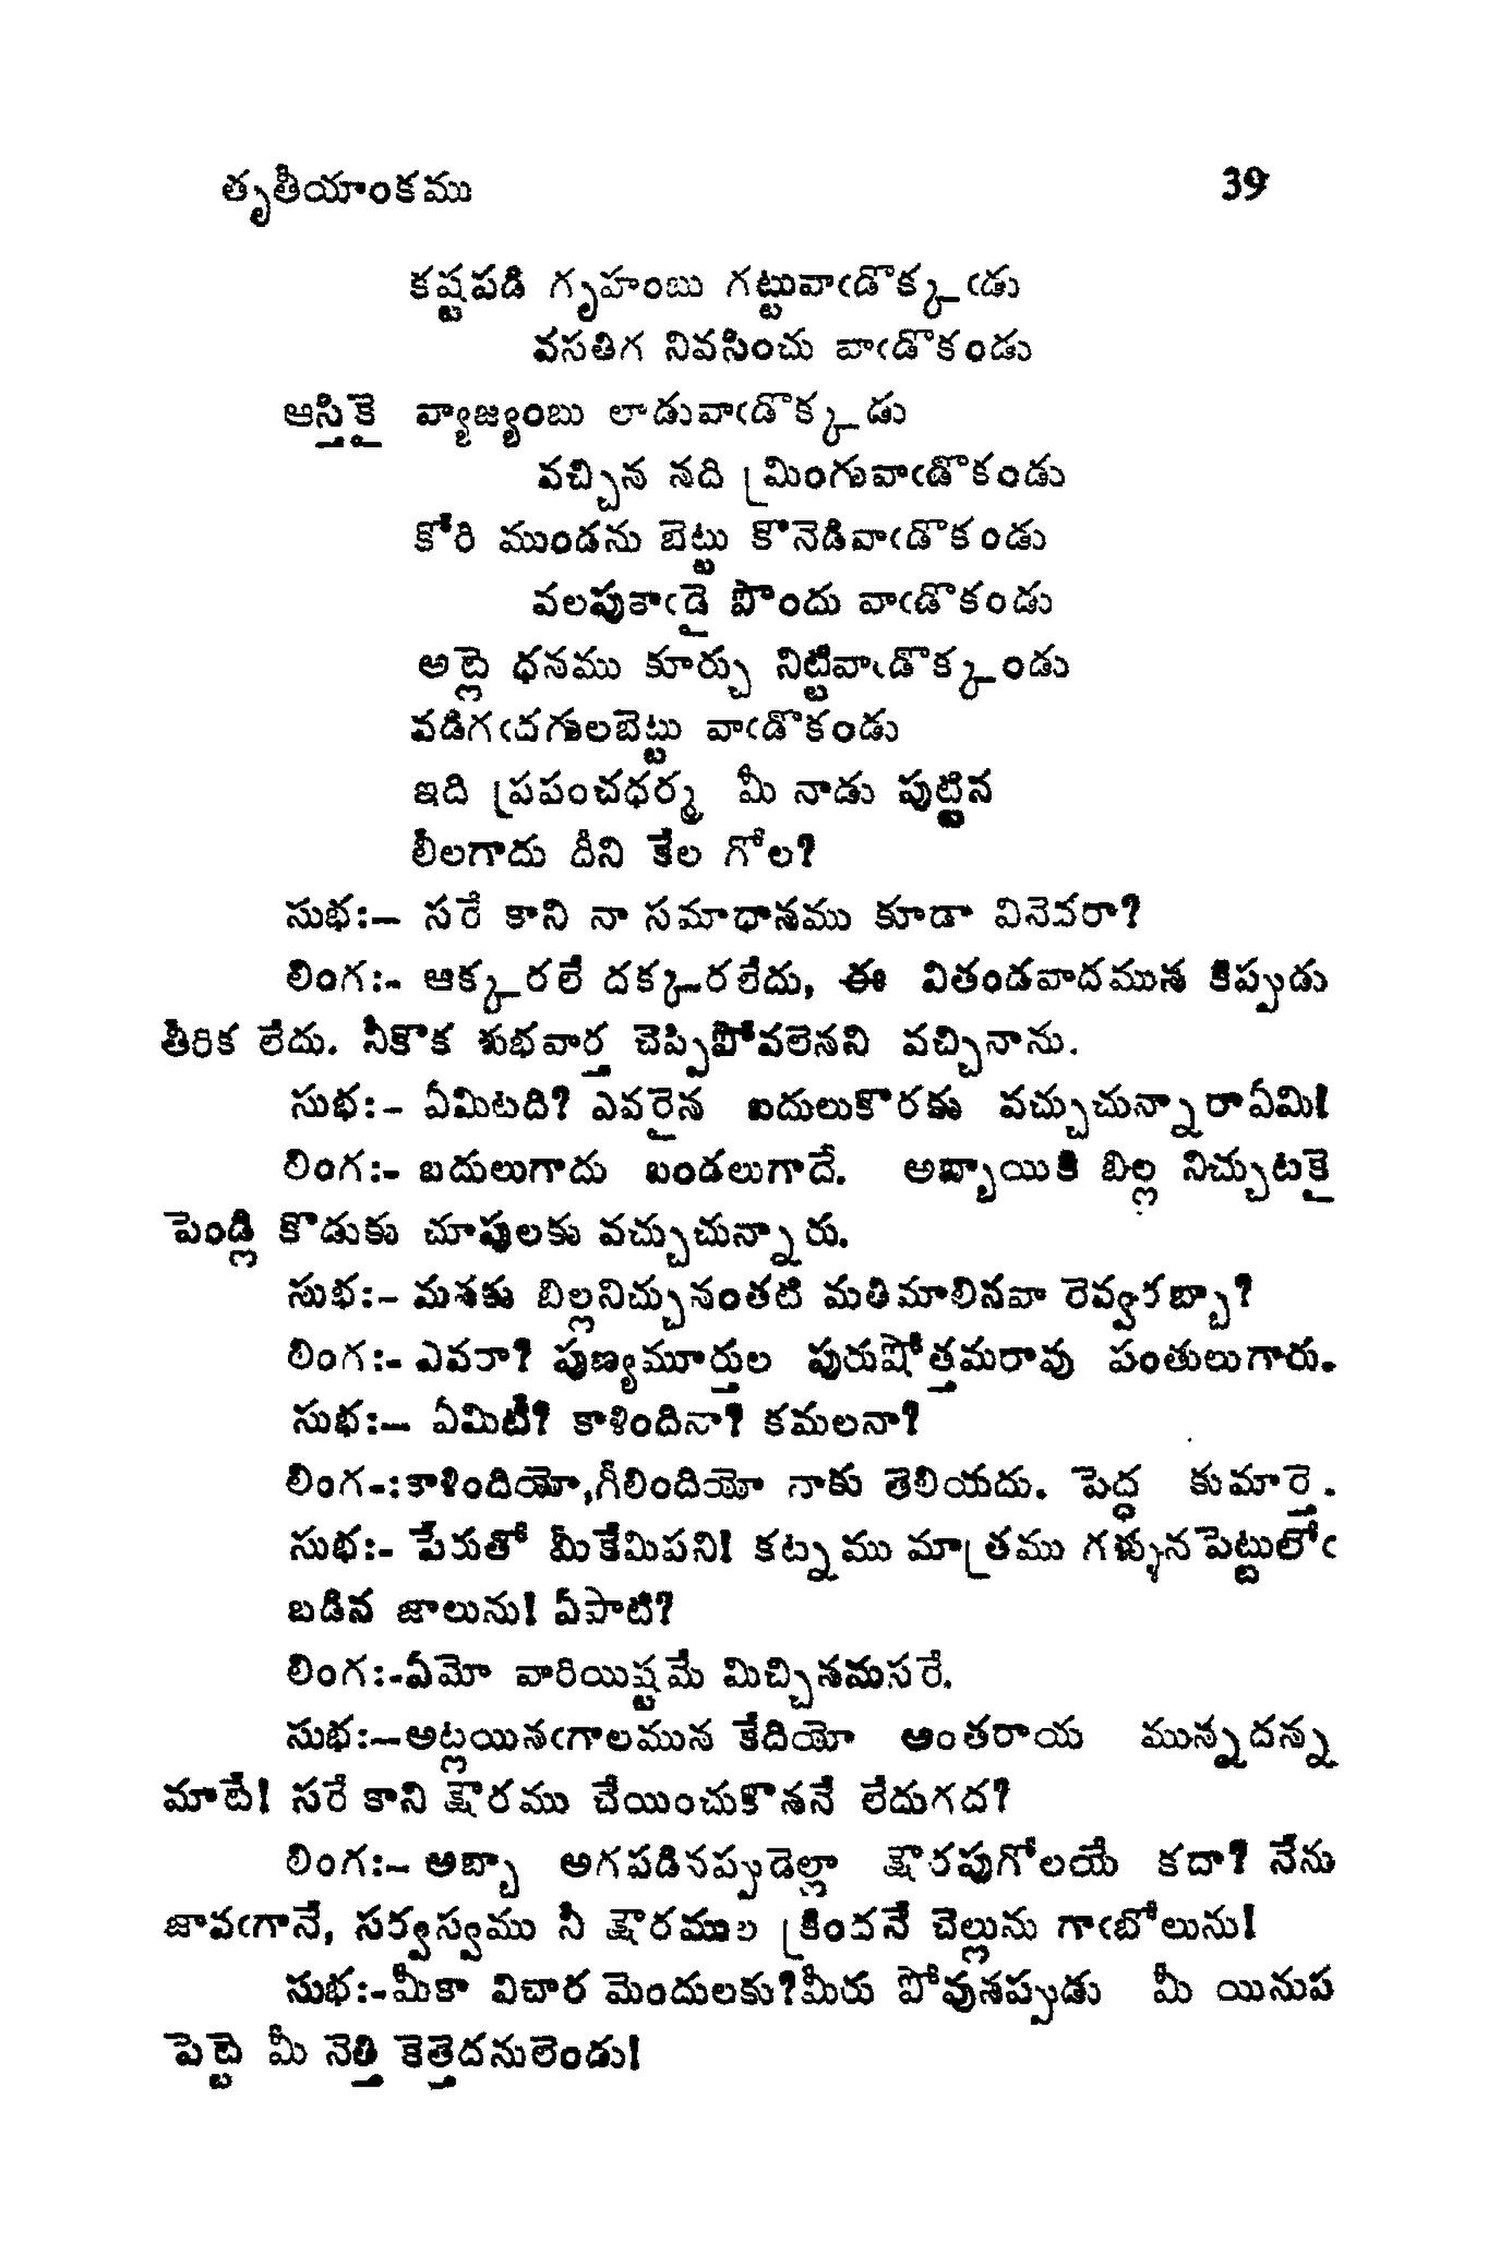కష్టపడి గృహంబు గట్టువాఁడొక్కఁడు
 వసతిగ నివసించు వాఁడొకండు
 ఆస్తికై వ్యాజ్యంబు లాడువాఁడొక్కఁడు
 వచ్చిన నది మ్రింగువాఁడొకండు
 కోరి ముండను బెట్టు కొనెడివాఁడొకండు
 వలపుకాఁడై పొందు వాఁడొకండు

 అట్లె, ధనము కూర్చు నిట్టివాఁ డొక్కండు
 వడిగఁదగులబెట్టు -వాఁడొకండు
 ఇది ప్రపంచధర్మ మీ నాడు పుట్టిన
 లీలగాదు దీని కేల గోల?

సుభ :- సరే కాని నా సమాధానము కూడ వినెదరా?

లింగ :- అక్కరలే దక్కరలేదు. ఈ వితండవాదమున కిప్పుడు తీరిక లేదు. నీకొక శుభవార్త చెప్పిపోవలెనని వచ్చినాను.

సుభ :- ఏమిటది? ఎవరైన బదులుకొరకు వచ్చుచున్నారా ఏమి?

లింగ :- బదులుగాదు బండలుగాదే. అబ్బాయికి బిల్ల నిచ్చుటకై పెండ్లి కొడుకు చూపులకు వచ్చుచున్నారు.

సుభ :- మనకుఁ బిల్లనిచ్చునంతటి మతిమాలినవా రెవ్వరబ్బా?

లింగ :- ఎవరా? పుణ్యమూర్తుల పురుషోత్తమరావు పంతులుగారు.

సుభ :- ఏమిటీ? కాళిందినా? కమలనా ?

లింగ :- కాళిందియో గీలిందియో నాకు తెలియదు. పెద్ద కొమార్తె.

సుభ :- పేరుతో మీకేమిపని! కట్నము మాత్రము గళ్ళున పెట్టెలోఁ బడిన జాలును! ఏపాటి?

లింగ :- ఏమో వారియిష్టమే మిచ్చిననుసరే.

సుభ :- అట్లయినఁగాలమున కేదియో అంతరాయ మున్నదన్న మాటే! సరేకాని క్షౌరము చేయించుకొననే లేదుగద?

లింగ :- అబ్బా, అగపడినప్పుడెల్ల క్షౌరపుగోలయే కదా! నేను జావఁగానే, సర్వస్వము నీ క్షౌరముల క్రిందనే చెల్లును గాఁబోలును!

సుభ :- మీకా విచార మెందులకు? మీరు పోవునప్పుడు మీ యినుపపెట్టె మీ నెత్తి కెత్తెదనులెండు!